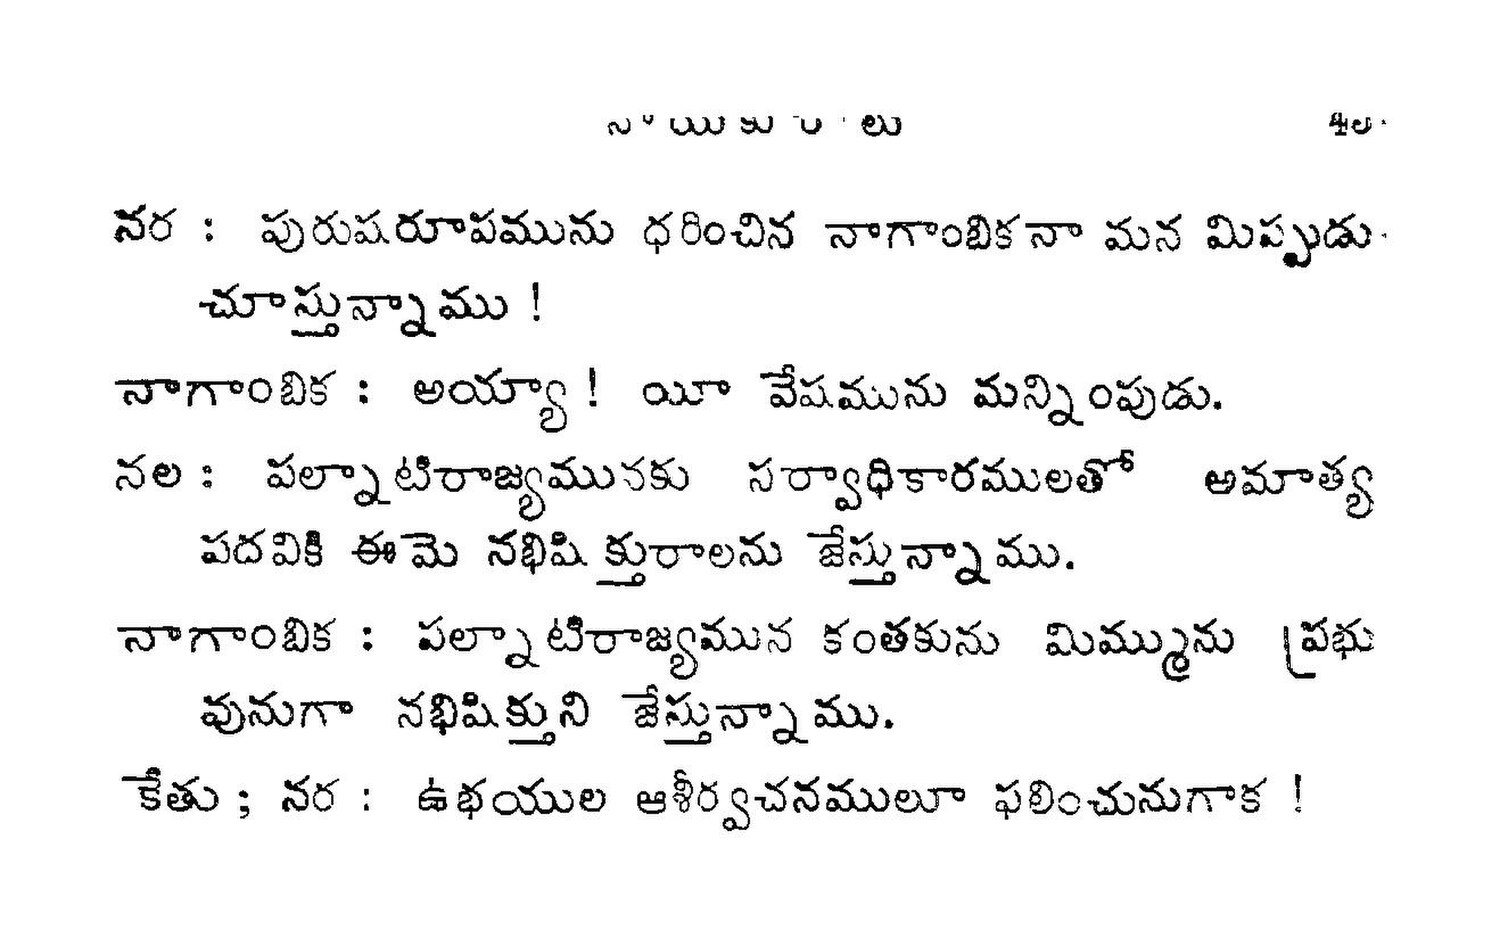నర : పురుషరూపమును ధరించిన నాగాంబికనా మన మిప్పుడు. చూస్తున్నాము !

నాగాంబిక : అయ్యా ! యీ వేషమును మన్నింపుడు.

నల : పల్నాటిరాజ్యమునకు సర్వాధికారములతో అమాత్య పదవికి ఈమె నభిషిక్తురాలను జేస్తున్నాము.

నాగాంబిక : పల్నాటిరాజ్యమున కంతకును మిమ్మును ప్రభువునుగా నభిషిక్తుని జేస్తున్నాము.

కేతు ; నర : ఉభయుల ఆశీర్వచనములూ ఫలించునుగాక !